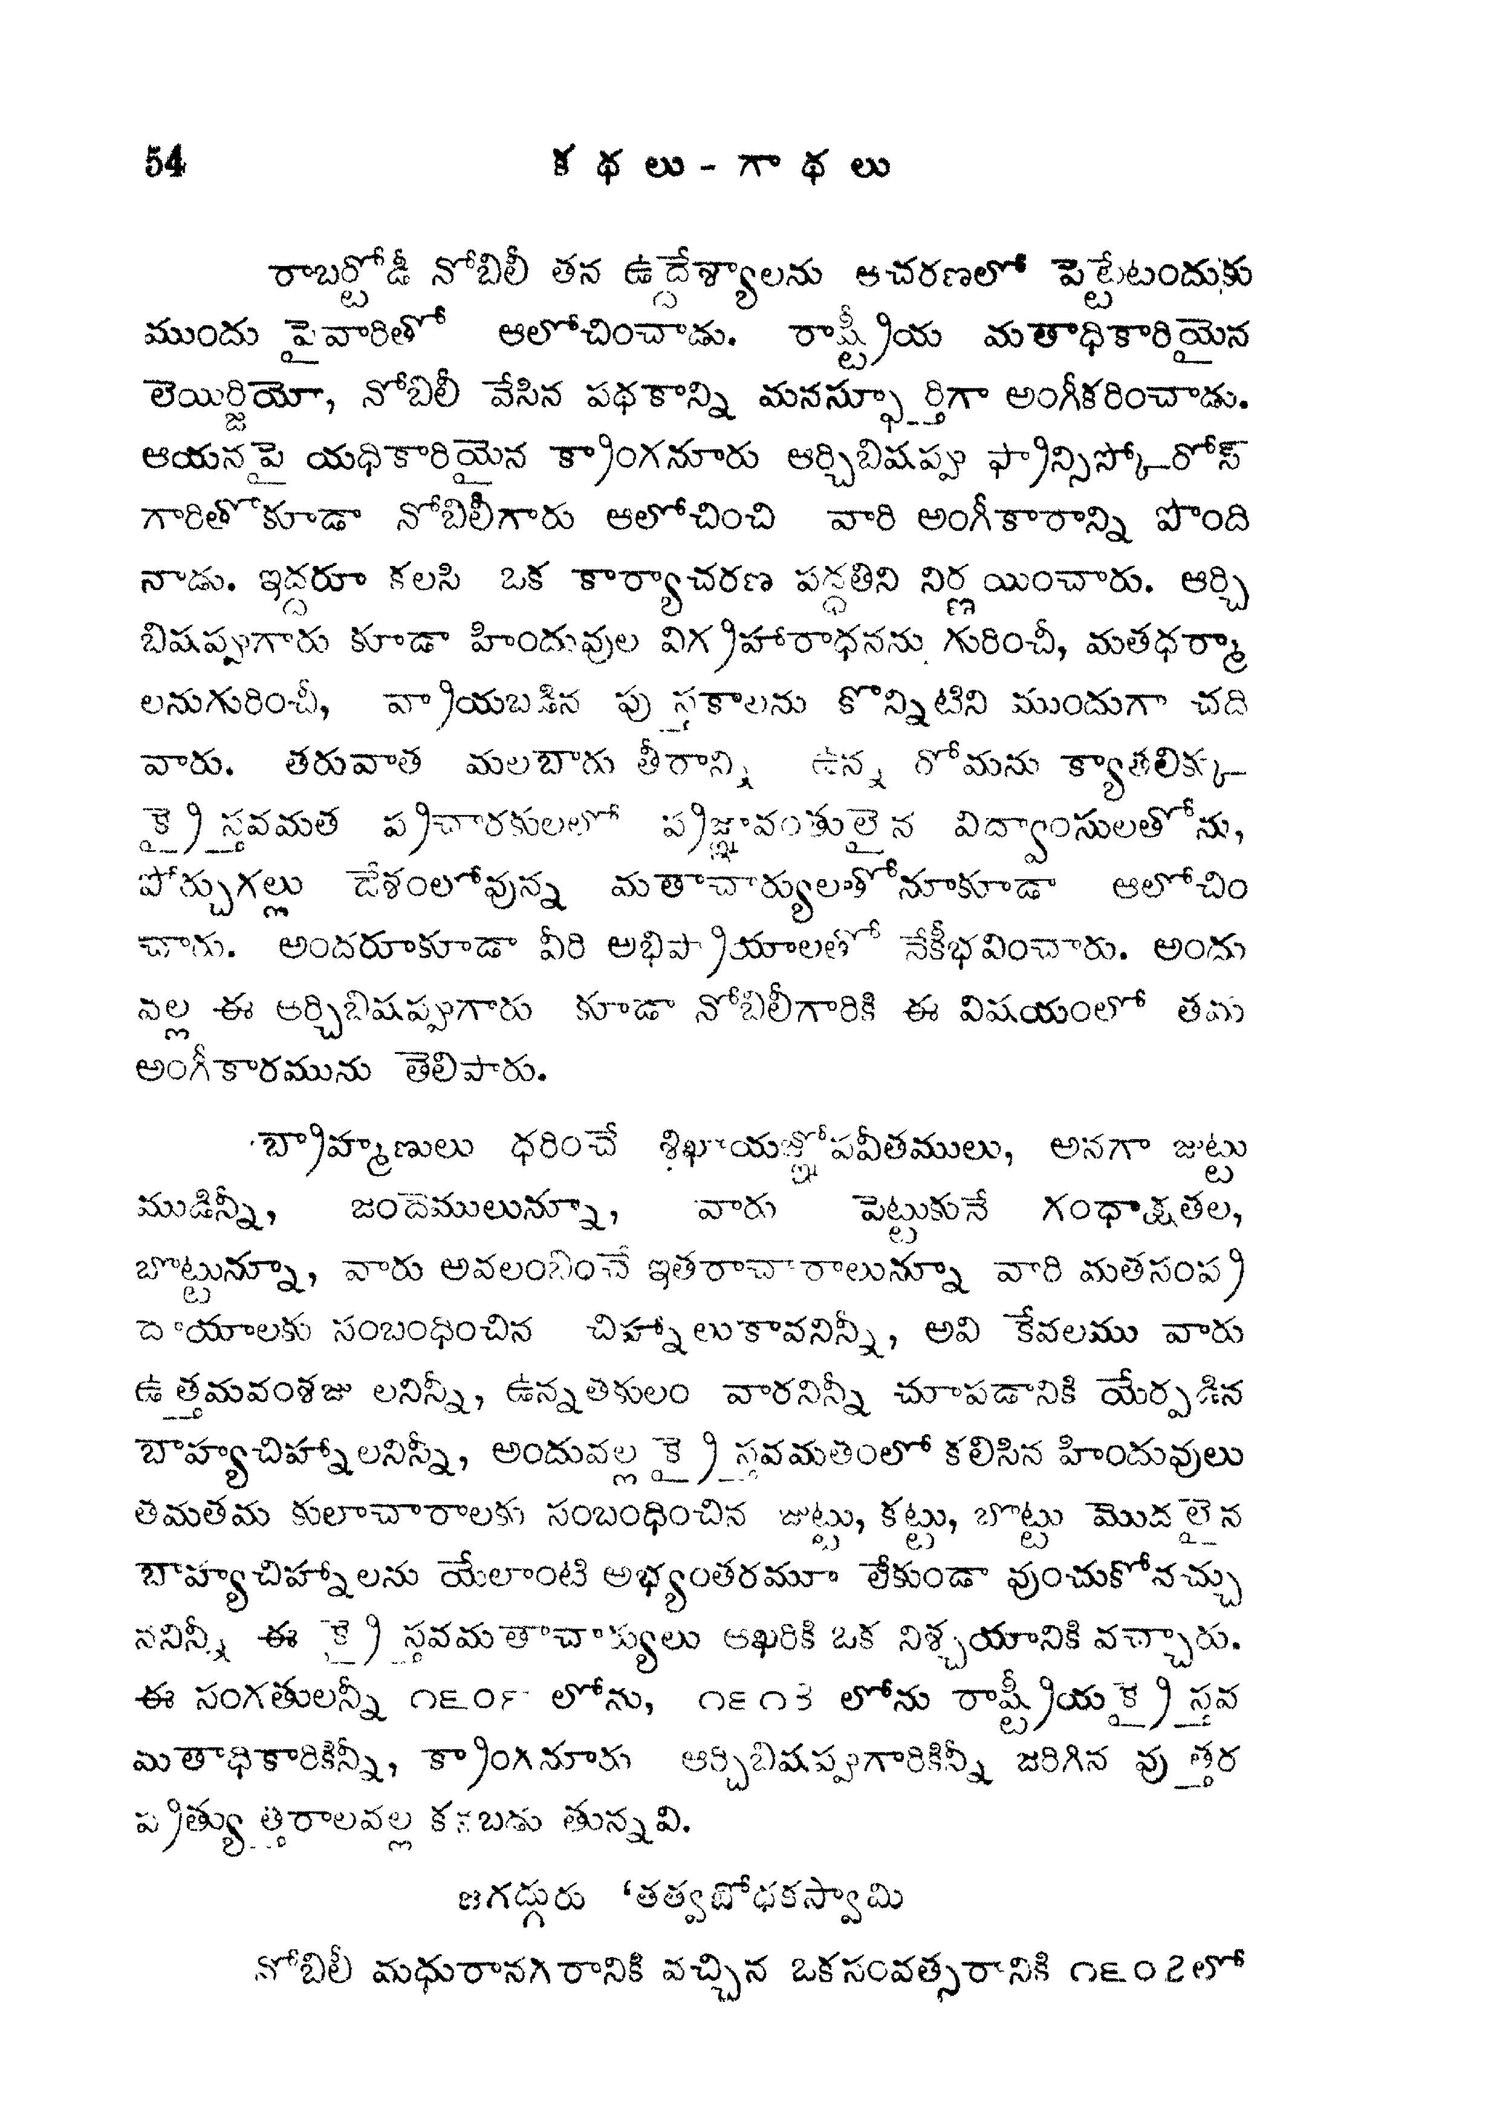రాబర్టోడీ నోబిలీ తన ఉద్దేశ్యాలను ఆచరణలో పెట్టేటందుకు ముందు పైవారితో ఆలోచించాడు. రాష్ట్రీ య మతాధికారియైన లెయిర్జియో, నోబిలీ వేసిన పధకాన్ని మనస్పూర్తిగా అంగీకరించాడు. ఆయనపై యధికారియైన క్రాంగనూరు ఆర్చిబిషప్పు ఫ్రాన్సిస్కోరోన్ గారితోకూడా నోబిలీగారు ఆలొచించి వారి అంగీకారాన్ని పొందినాడు. ఇద్దరూ కలసి ఒక కార్యాచరణ పద్ధతిని నిర్ణయించారు. ఆర్చిబిషప్పుగారు కూడా హిందువుల విగ్రహారాధనను గురించీ మతధర్మాలను గురించీ, వ్రాయబడిన పుస్తకాలను కొన్నింటిని ముందుగా చదివారు. తరువాత మలబారు తీరాన్ని, ఉన్నరోమన్ క్యాతలిక్క క్రైస్తవమత ప్రచారకులలో ప్రజ్ఞావంతులైన విద్వాంసులతోను, పోర్చుగల్లు దేశంలోవున్న మతాచార్యులతోనూ కూడా ఆలోచించారు. అందరూకూడా వీరి అభిప్రాయాలతో నేకీభవించారు. ఆందువల్ల ఈ ఆర్చిబిషప్పుగారు కూడా నోబిలీగారికి ఈ విషయంలో తమ అంగీకారము ను తెలిపారు.

బ్రాహ్మణులు ధరించే శిఖాయజ్ఞోపవీతములు, అనగా జుట్టు ముడిన్నీ, జందెములున్నూ, వారు పెట్టుకునే గంధాక్షతాల, బొట్టున్నూ, వారు అవలంబించే ఇతరాచారాలున్నూ వారి మతసంప్రదాయాలకు సంబందించిన చిహ్నాలుకావనిన్నీ, అవి కేవలము వారు ఉత్తమవంశజు లనిన్నీ, ఉన్నతకులం వారనిన్నీ చూపడానికి యేర్పడిన బాహ్యచిహ్నాలనిన్నీ, అందువల్లక్రైస్తవమతంలో కలిసిన హిందువులు తమతమ కులాచారాలకు సంబంధించిన జుట్టు, కట్టు, బొట్టు మొదలైన బాహ్యచిహ్నాలను యేలాంటి అభ్యంతరమూ లేకుండా వుంచుకోవచ్చుననిన్నీ, ఈ క్రైస్తవమతాచార్యులు ఆఖరికి ఒక నిశ్చయానికి వచ్చారు. ఈ సంగతులనీ 1909 లోను, 1913 లోను రాష్ట్రీయక్రైస్తవమతాధికారికిన్నీ, క్రాంగనూరు ఆర్చిబిషపుగారికిన్నీ జరిగిన వుత్తర ప్రత్యుత్తరాలవల్ల కనబడుతున్నవి.

నోబిలీ మధురానగరానికి వచ్చిన ఒకసంవత్సరానికి 1907లో